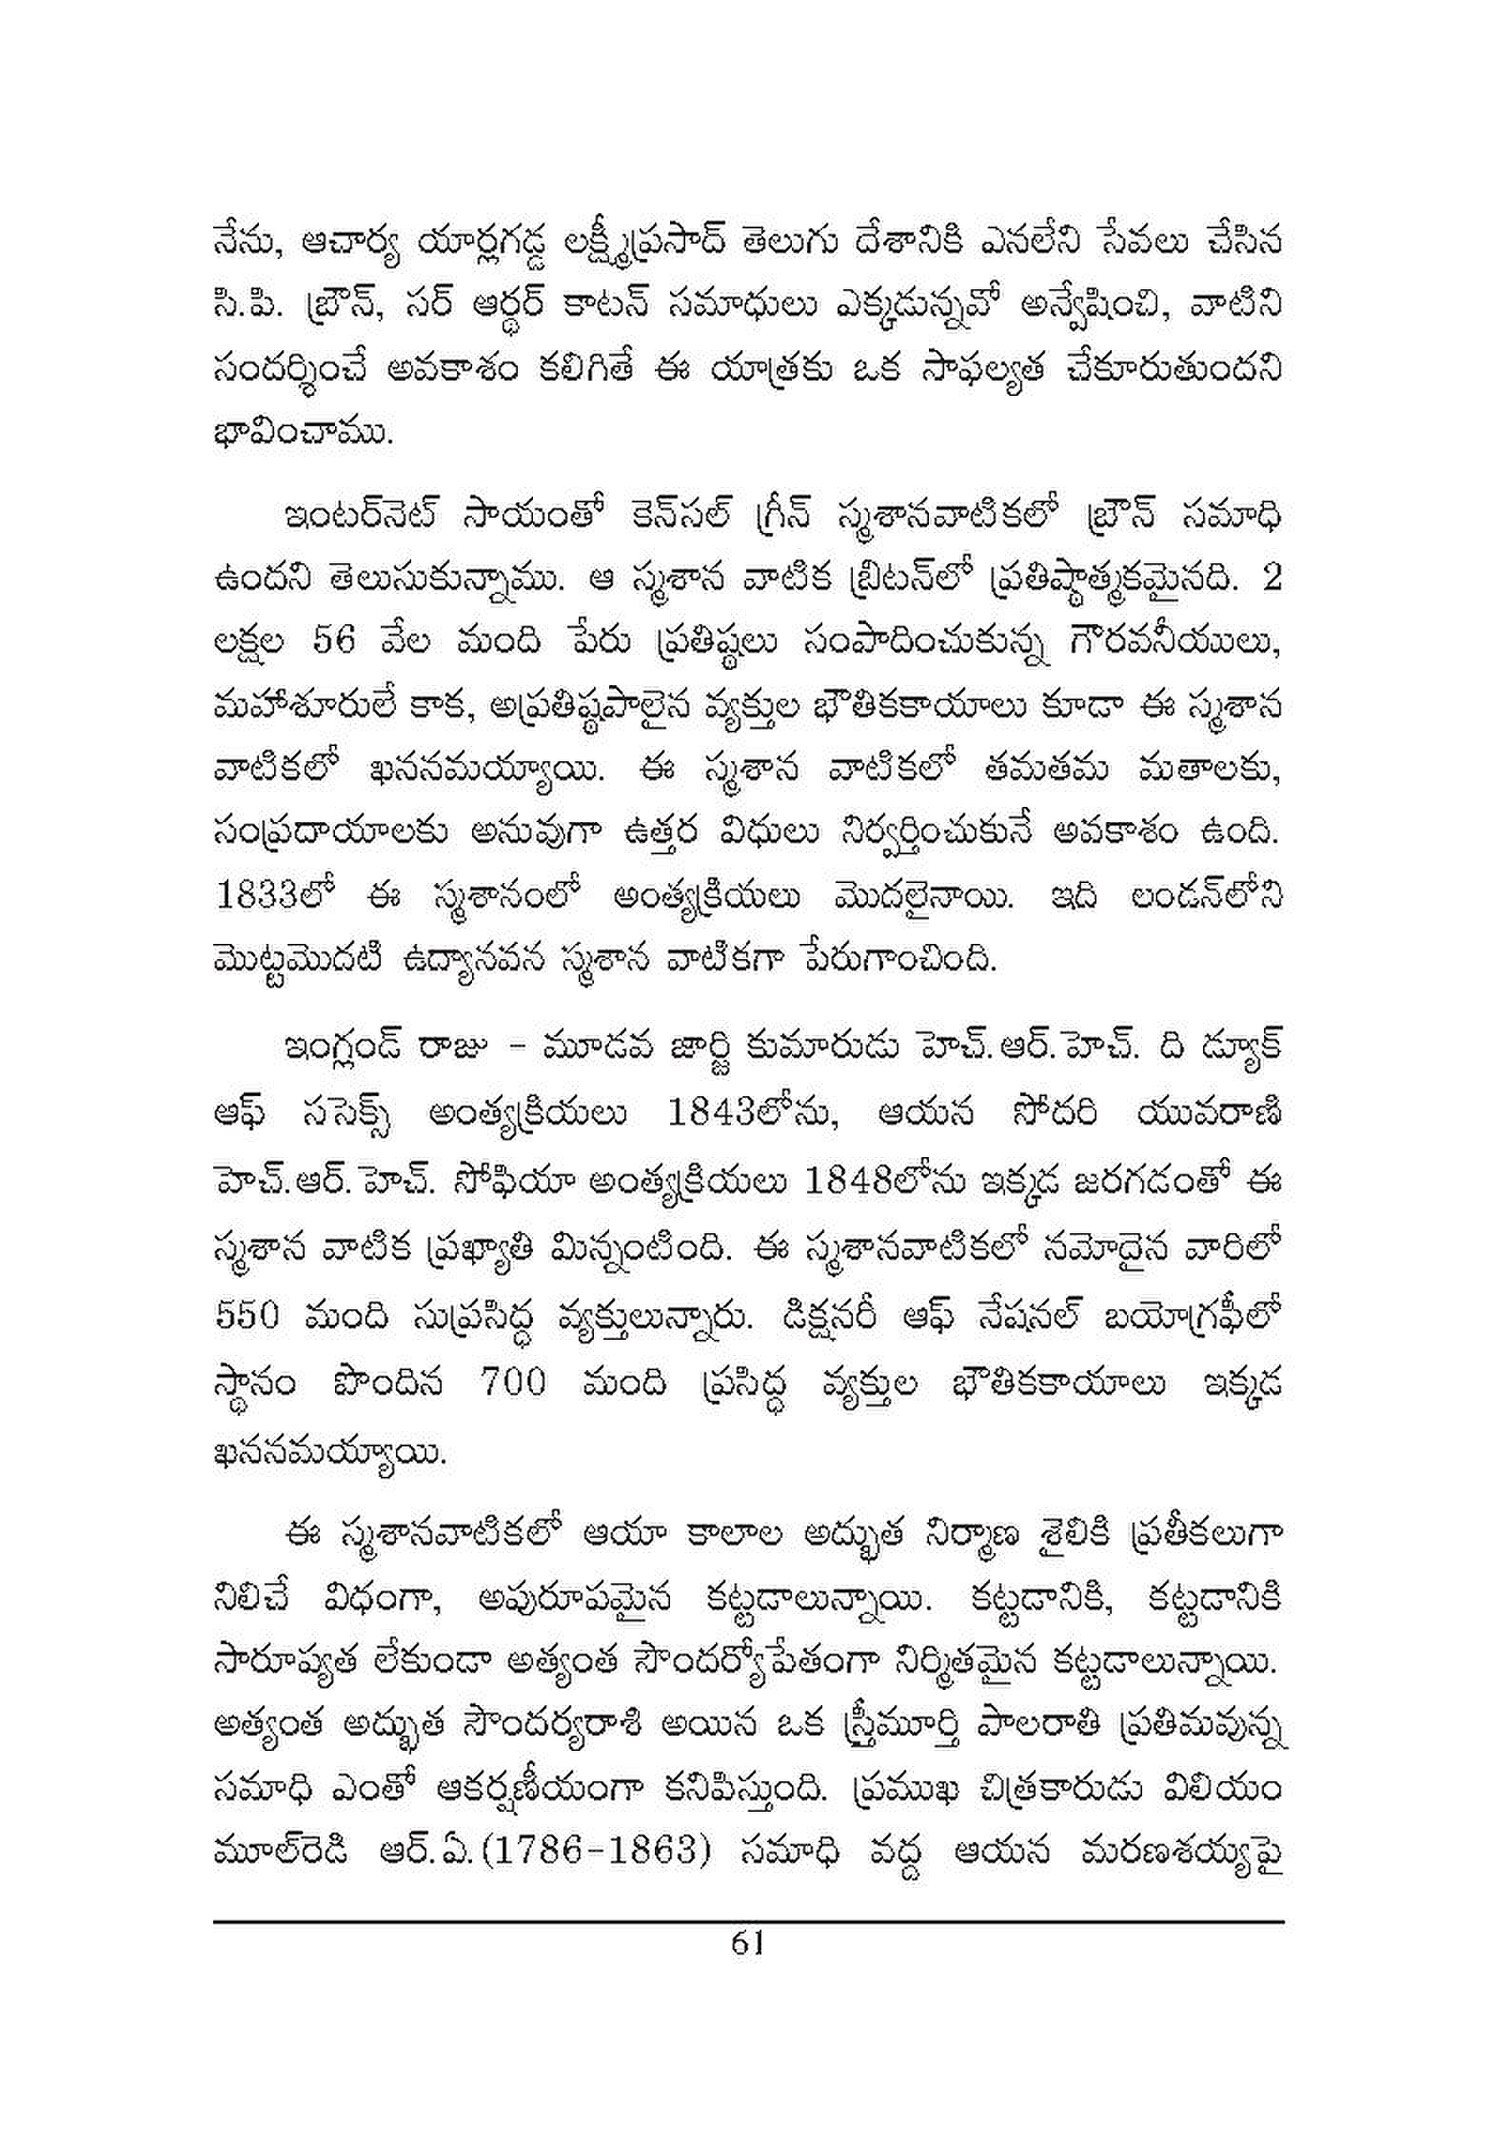నేను, ఆచార్య యార్లగడ్డ లక్ష్మీప్రసాద్ తెలుగు దేశానికి ఎనలేని సేవలు చేసిన సి.పి. బ్రౌన్, సర్ ఆర్థర్ కాటన్ సమాధులు ఎక్కడున్నవో అన్వేషించి, వాటిని సందర్శించే అవకాశం కలిగితే ఈ యాత్రకు ఒక సాఫల్యత చేకూరుతుందని భావించాము.

ఇంటర్నెట్ సాయంతో కెన్సల్ గ్రీన్ స్మశానవాటికలో బ్రౌన్ సమాధి ఉందని తెలుసుకున్నాము. ఆ స్మశాన వాటిక బ్రిటన్లో ప్రతిష్టాత్మకమైనది. 2 లక్షల 56 వేల మంది పేరు ప్రతిష్ఠలు సంపాదించుకున్న గౌరవనీయులు, మహాశూరులే కాక, అప్రతిష్టపాలైన వ్యక్తుల భౌతికకాయాలు కూడా ఈ స్మశాన వాటికలో ఖననమయ్యాయి. ఈ స్మశాన వాటికలో తమతమ మతాలకు, సంప్రదాయాలకు అనువుగా ఉత్తర విధులు నిర్వర్తించుకునే అవకాశం ఉంది. 1833లో ఈ స్మశానంలో అంత్యక్రియలు మొదలైనాయి. ఇది లండన్‌లో మొట్టమొదటి ఉద్యానవన స్మశాన వాటికగా పేరుగాంచింది.

ఇంగ్లండ్ రాజు - మూడవ జార్జి కుమారుడు హెచ్.ఆర్.హెచ్. ది డ్యూక్ ఆఫ్ ససెక్స్ అంత్యక్రియలు 1843లోను, ఆయన సోదరి యువరాణి హెచ్.ఆర్.హెచ్. సోఫియా అంత్యక్రియలు 1848లోను ఇక్కడ జరగడంతో ఈ స్మశాన వాటిక ప్రఖ్యాతి మిన్నంటింది. ఈ స్మశానవాటికలో నమోదైన వారిలో 550 మంది సుప్రసిద్ధ వ్యక్తులున్నారు. డిక్షనరీ ఆఫ్ నేషనల్ బయోగ్రఫీలో స్థానం పొందిన 700 మంది ప్రసిద్ధ వ్యక్తుల భౌతికకాయాలు ఇక్కడ ఖననమయ్యాయి.
ఈ స్మశానవాటికలో ఆయా కాలాల అద్భుత నిర్మాణ శైలికి ప్రతీకలుగా నిలిచే విధంగా, అపురూపమైన కట్టడాలున్నాయి. కట్టడానికి, కట్టడానికి సారూప్యత లేకుండా అత్యంత సౌందర్యోపేతంగా నిర్మితమైన కట్టడాలున్నాయి. అత్యంత అద్భుత సౌందర్యరాశి అయిన ఒక స్త్రీమూర్తి పాలరాతి ప్రతిమవున్న సమాధి ఎంతో ఆకర్షణీయంగా కనిపిస్తుంది. ప్రముఖ చిత్రకారుడు విలియం మూల్రెడి ఆర్.ఏ.{1786-1863) సమాధి వద్ద ఆయన మరణశయ్యపై